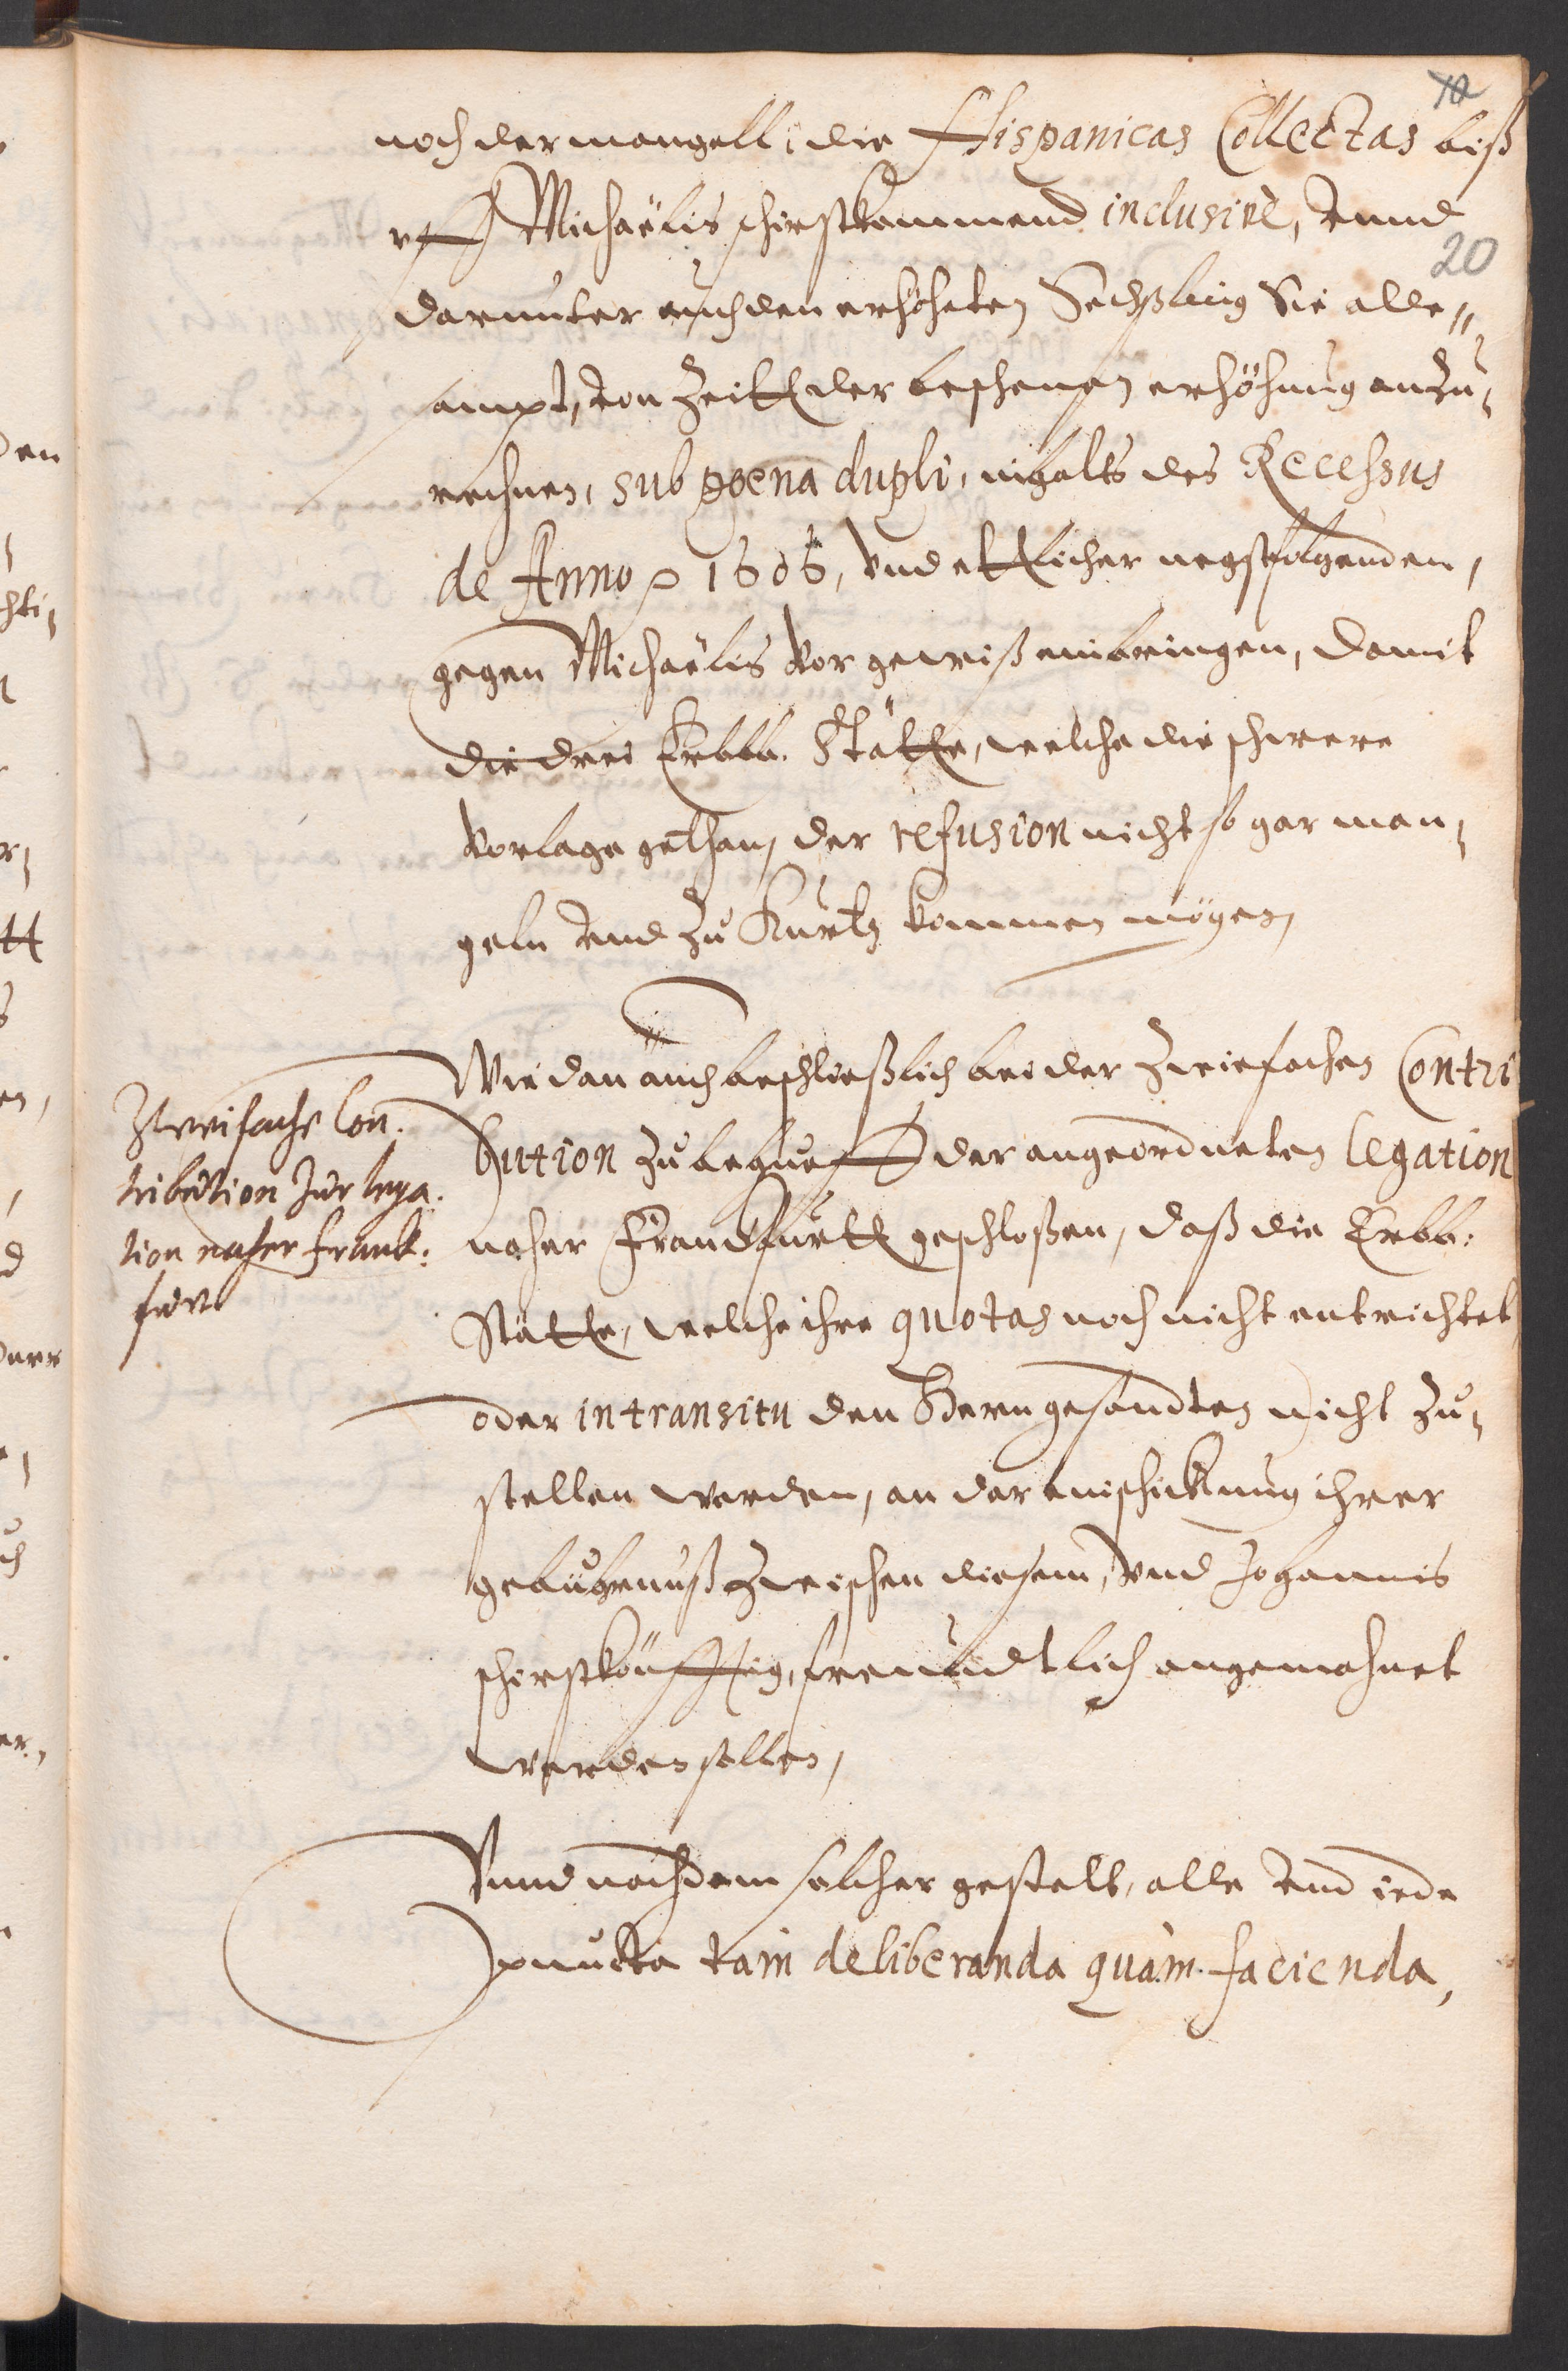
noch der mangell, die Hispanicas Collectas biß
vff Michaëlis schirstkommend inclusive, vnnd
darunter auch den erhöheten Sechßling Sie alle¬
sampt, von zeitt der beschenen erhöhung anzu¬
rechnen, sub poena dupli, inhalts des Recessus
de Anno p 1606, vnd ettlicher negstfolgenden,
gegen Michaëlis vor gewiß einbringen, damit
die ders Erbbb. Stätte, welche die schwere
vorlage gethan, der refusion nicht so gar man¬
geln vnnd zu Kurtz kommen mögen,
Zweifache Con¬
tribution zur lega¬
tion naher Frank¬
furt
Wie dan auch beschließlich bei der zwiefachen Contri
bution zubehueff der angeordneten legation
naher Franckfurtt geschloßen, daß die Erbb:
Stätte, welche ihre quotas noch nicht entrichtet,
oder intransitu den Hern gesandten nicht zu¬
stellen werden, an der einschickung ihrer
gebührnuß zwischen diesen, vnd Johannis
schirstkönfftig, freundtlich angemahnet
werden sollen,
Vnnd nachdem solcher gestalt, alle vnd iede
puncta tam deliberanda quam facienda,
